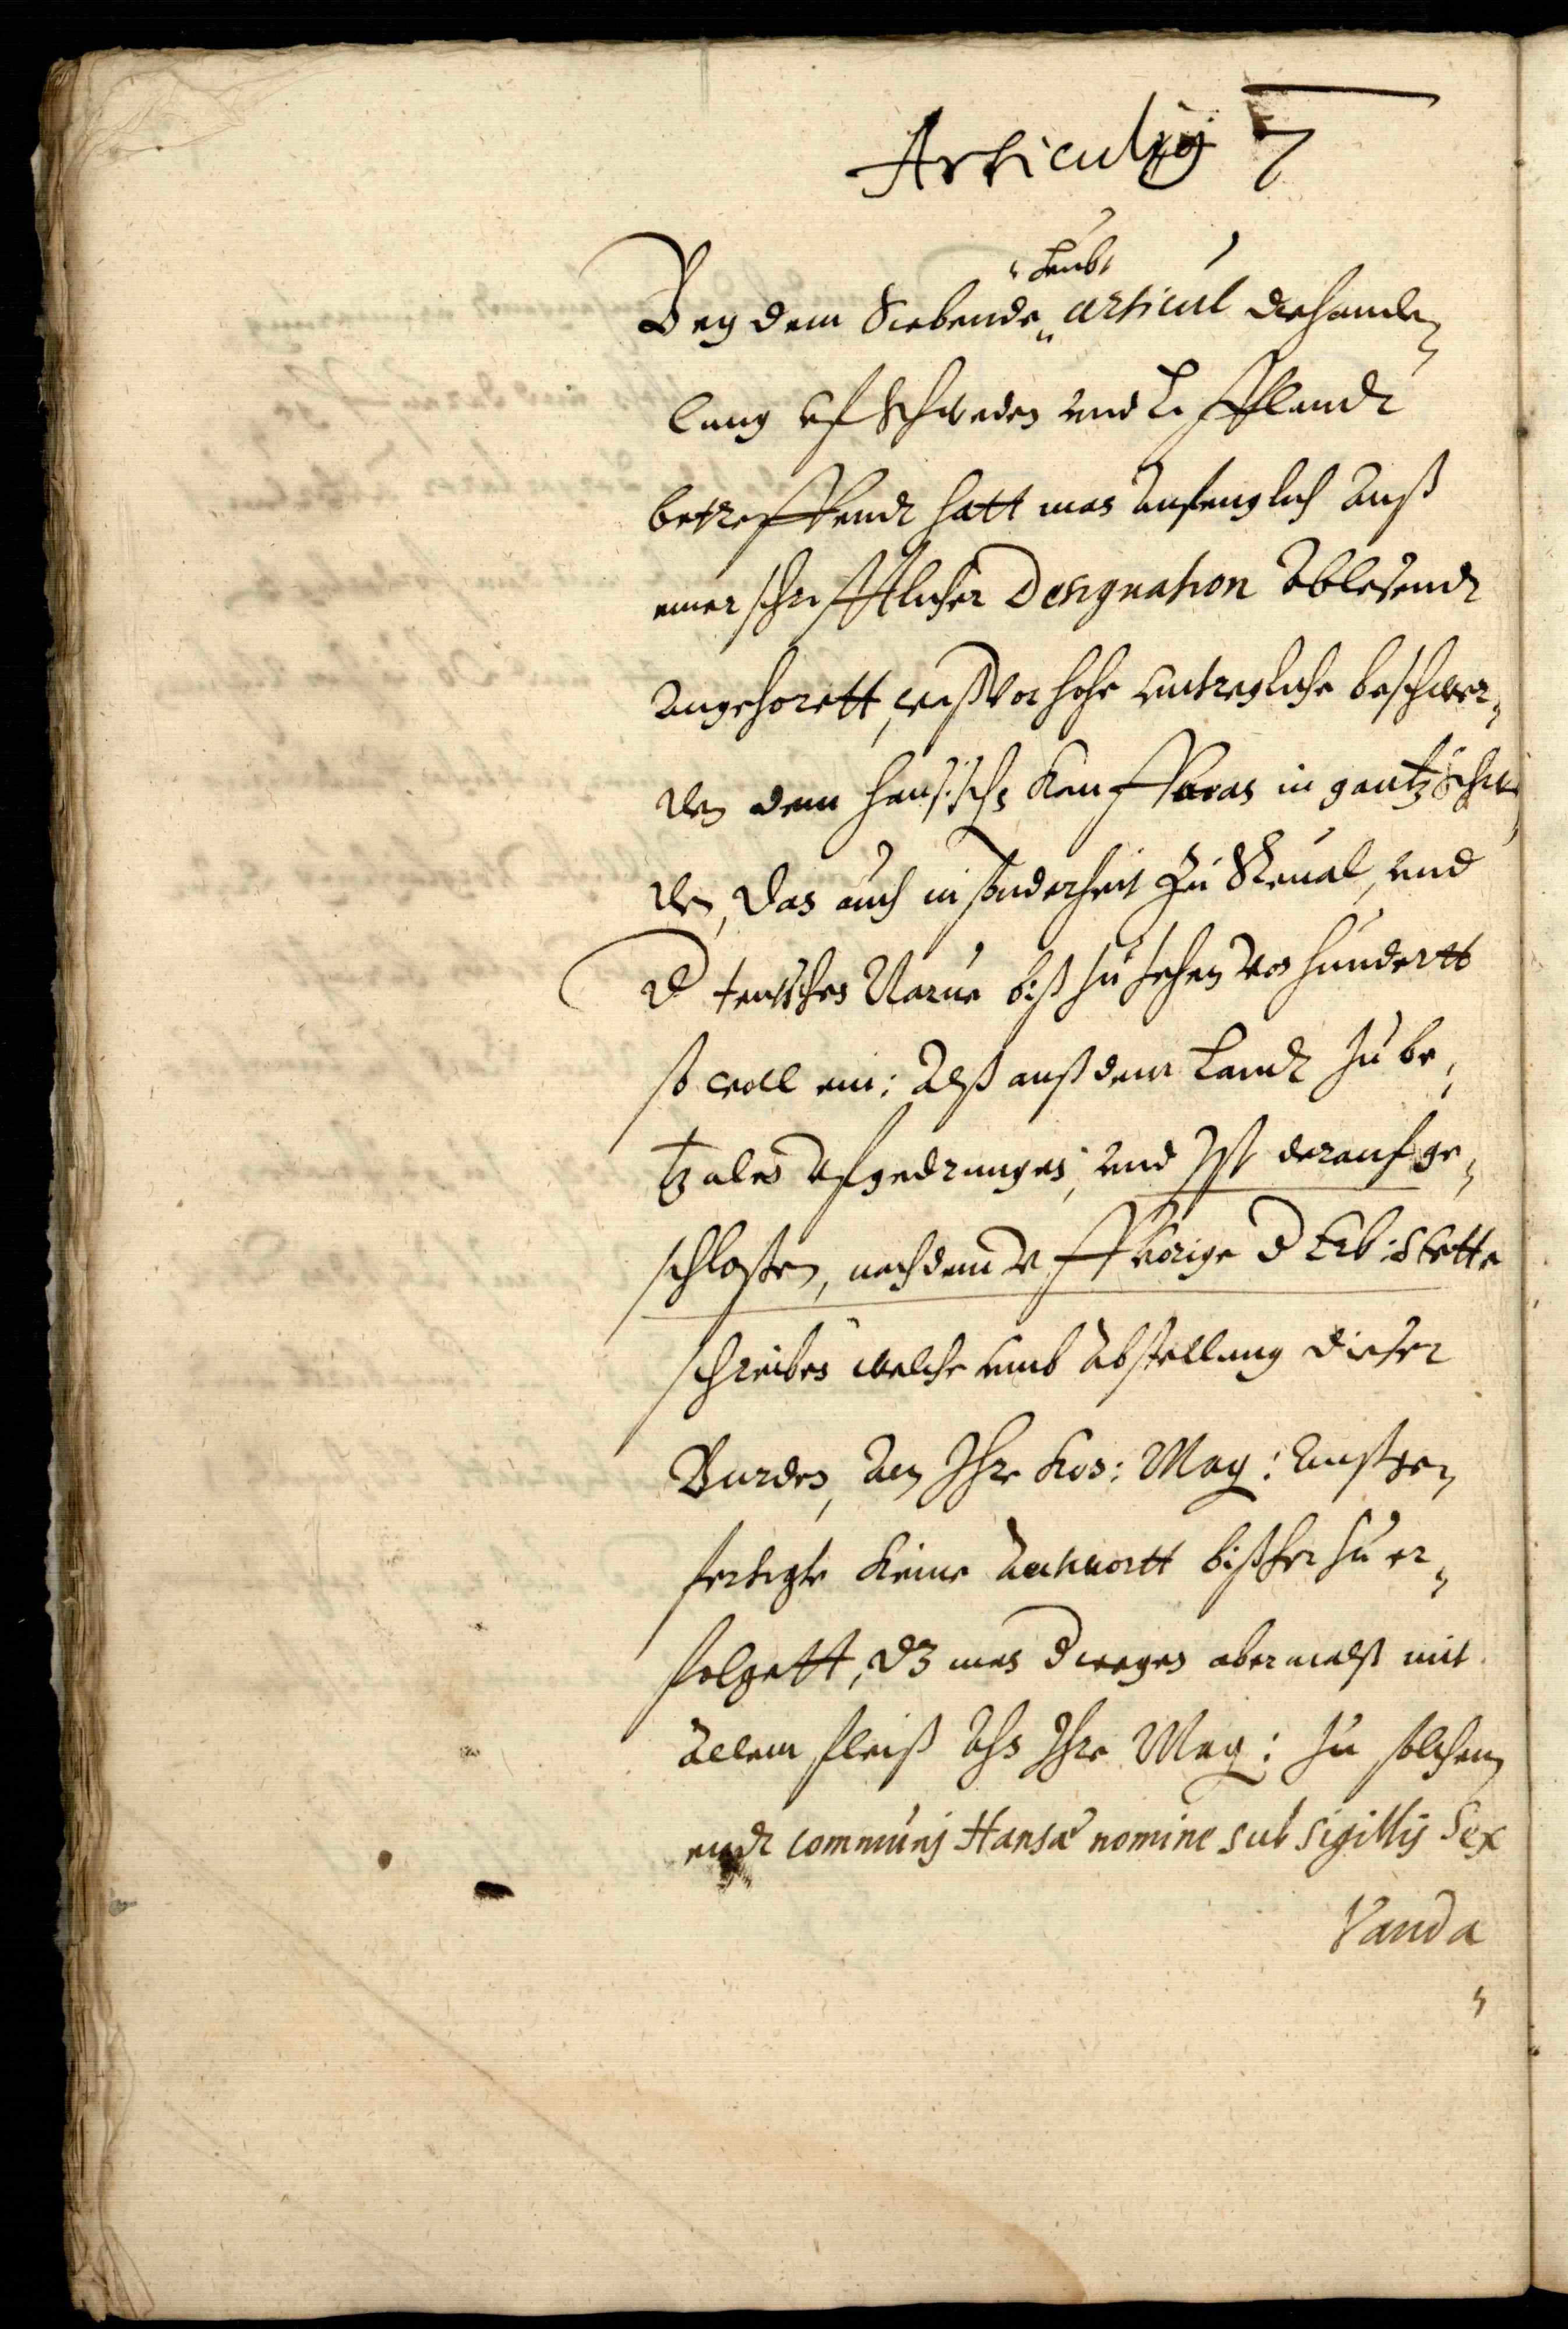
Articulus 7
" heubt
Beij dem Siebende "articul die hande¬
lung vf Schweden vnd Lifflandt
betreffendt hatt man Anfenglich Auß
einer schrifftlichen Designation Allesendt
Angehorett, weß vorhohr vntergliche beschwer¬
den dem hansischen kauffman in gantz Schwe¬
den, dan auch in sonderheit zu Reual, vnd
der teutschen Natur biß zu von hundertt
so woll ein: Alß auß dem Landt zu be¬
tzalen vf gedrungen, vnd Ist derauf ge¬
geschlosen, nachem vff vorige der Erb: Stette
schreiben welche vmb Abstellung dieser
Burden An Ihre kon: Maij: Ausge¬
fertigte keine Antwortt bißher zu er¬
folgett, das man derwegen abermalß mit
Allem fleiß Ahn Ihre Maij: zu solchem
endt communj Hansae nomine sub sigillus sex
tanda¬
